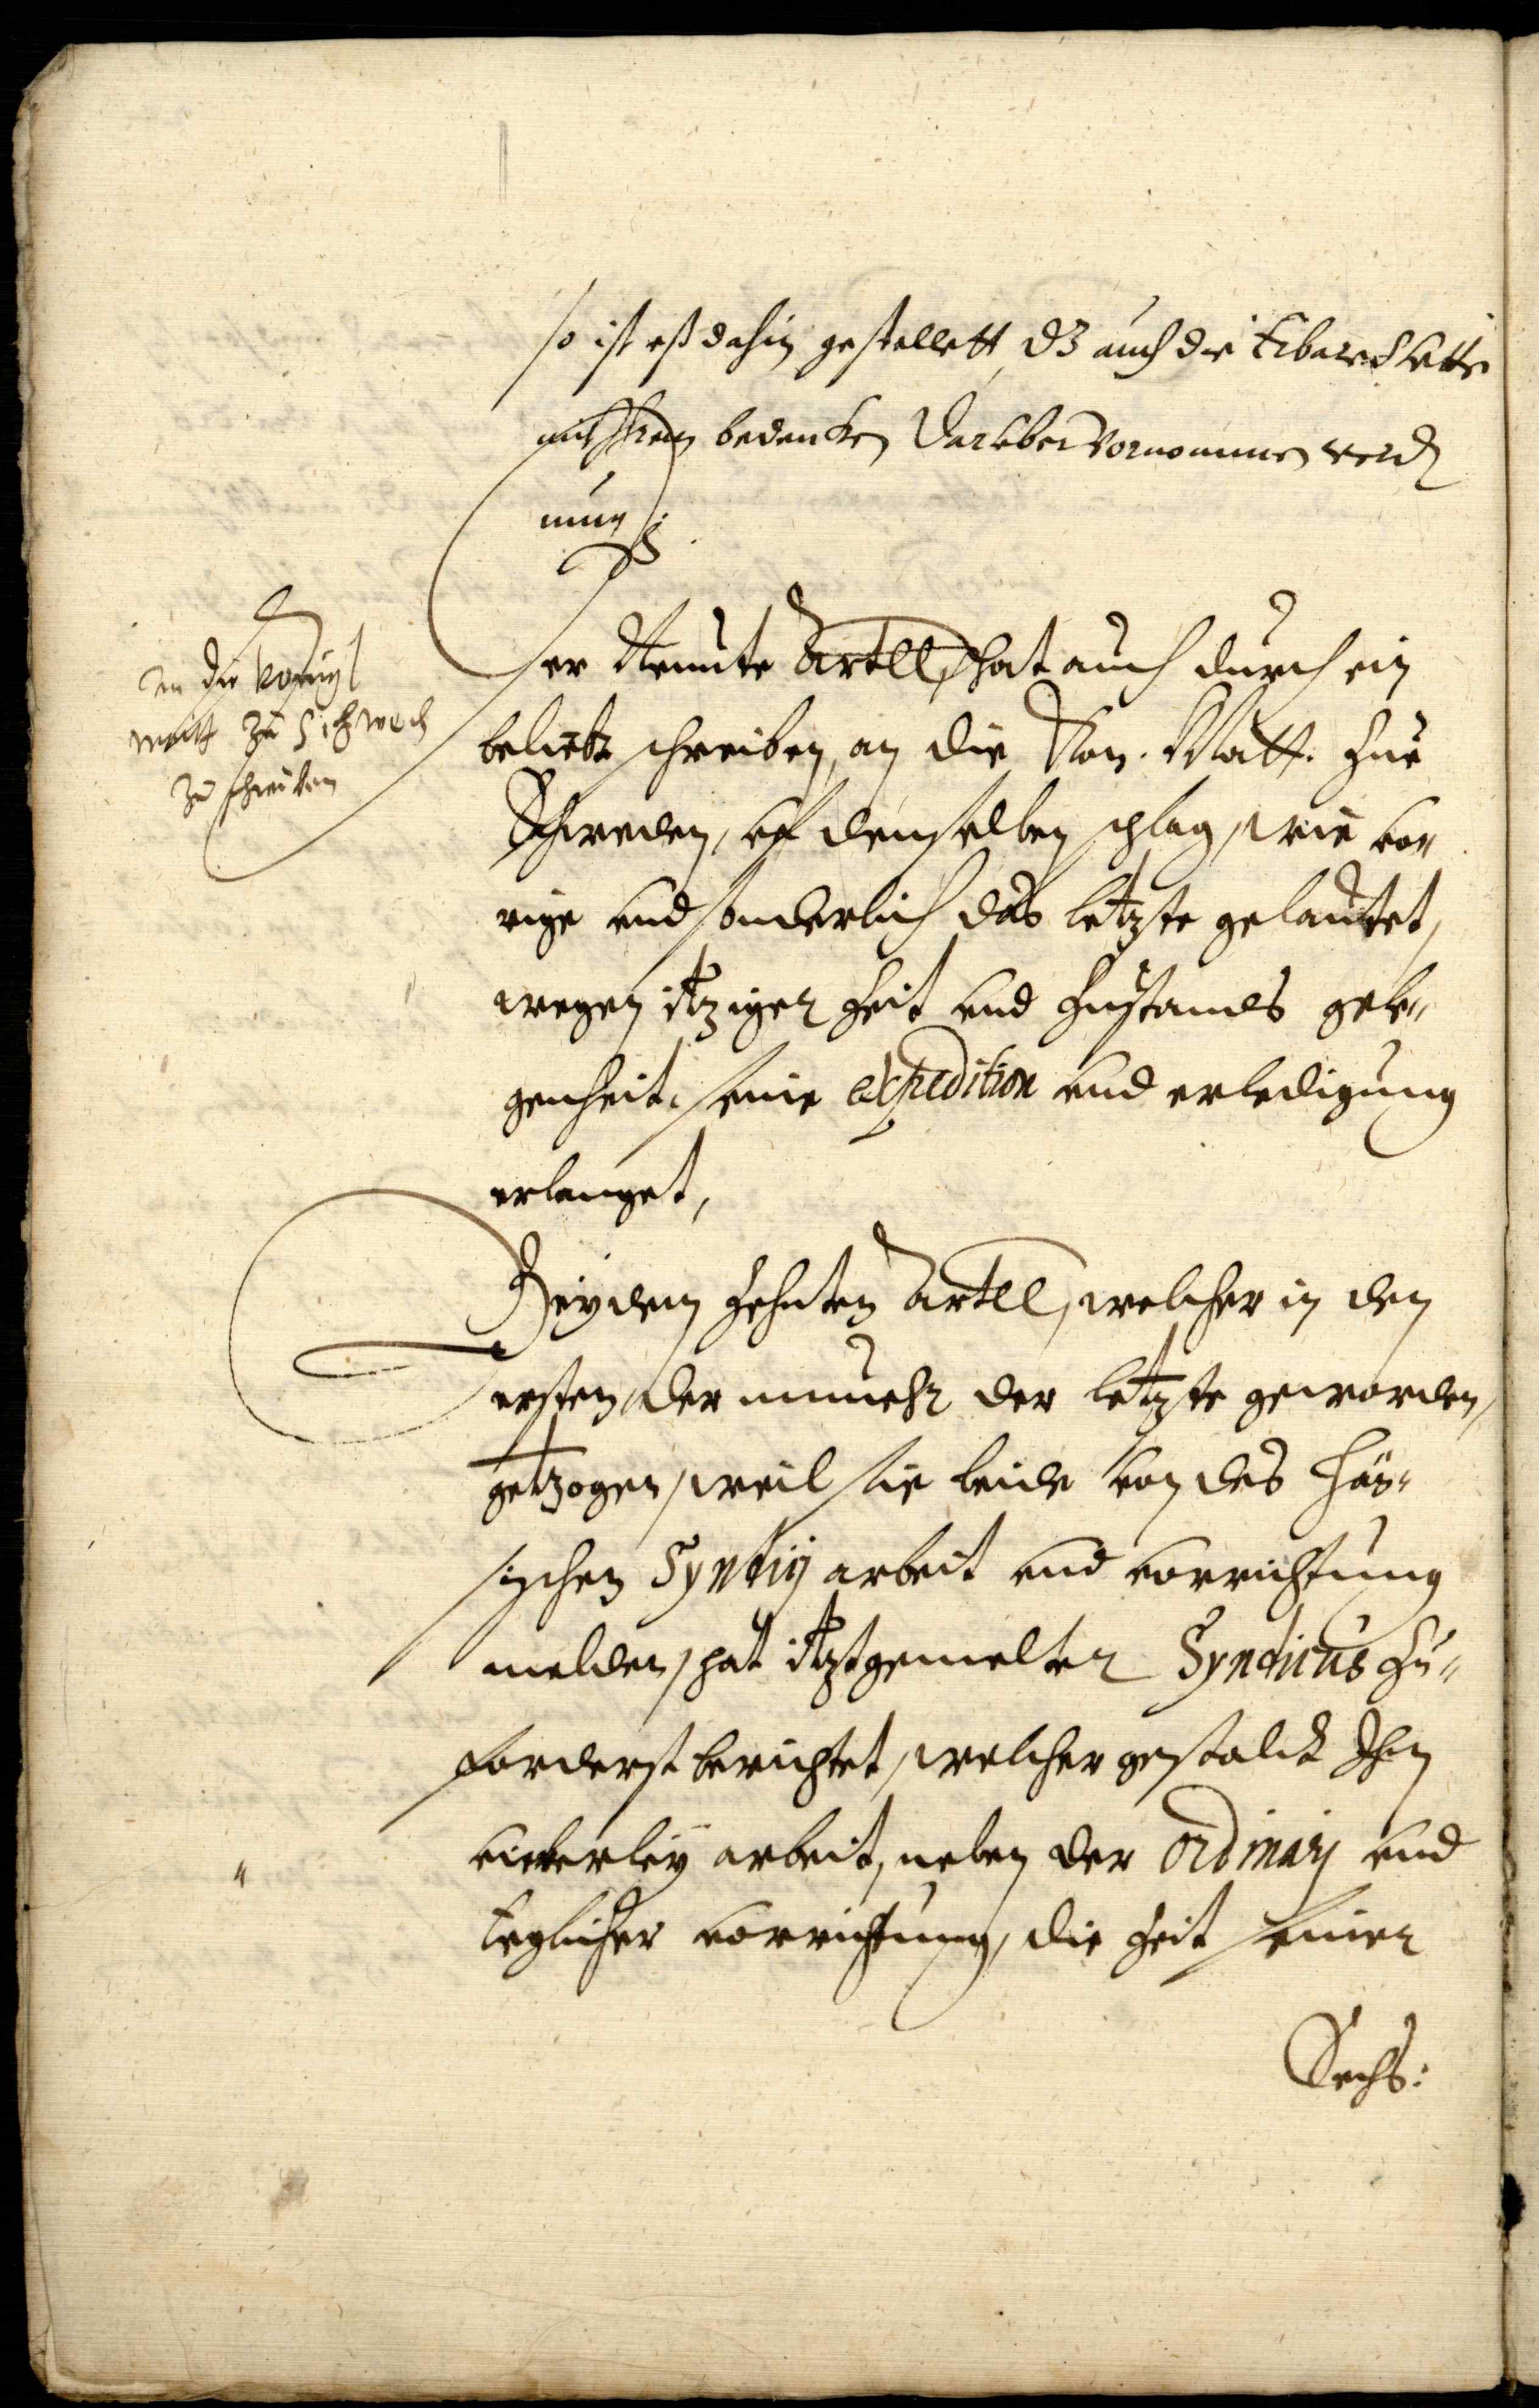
so ist eß dahin gestellett, das auch die Erbar Stette
mit Ihrem bedenken darvber vornommen werden
mugen.
An die konigl
maitt zu Schweden
zu schreiben
Der Neunte Articull, hat auch durch ein
beliebt schreiben, an die Kon. Matt. zue
Schweden, vf demselben schlag, wie vo¬
rige vnd sonderlich das letzte gelautet,
wegen itziger Zeit vnd Zustands gele¬
genheit, seine expedition vnd erledigung
erlanget,
Beij dem Zehnten Articull, welcher in den
ersten der numehr der letzte geworden,
getzogen, weil sie beide von des Hän¬
sischen Syndici arbeit vnd vorrichtung
melden, hat itztgemelter Syndicus zu¬
forderst berichtet, welcher gestaldt Ihm
vielerleij arbeit, neben der ordinarj vnd
teglicher vorrichtung, die Zeit seiner
Sechs:
